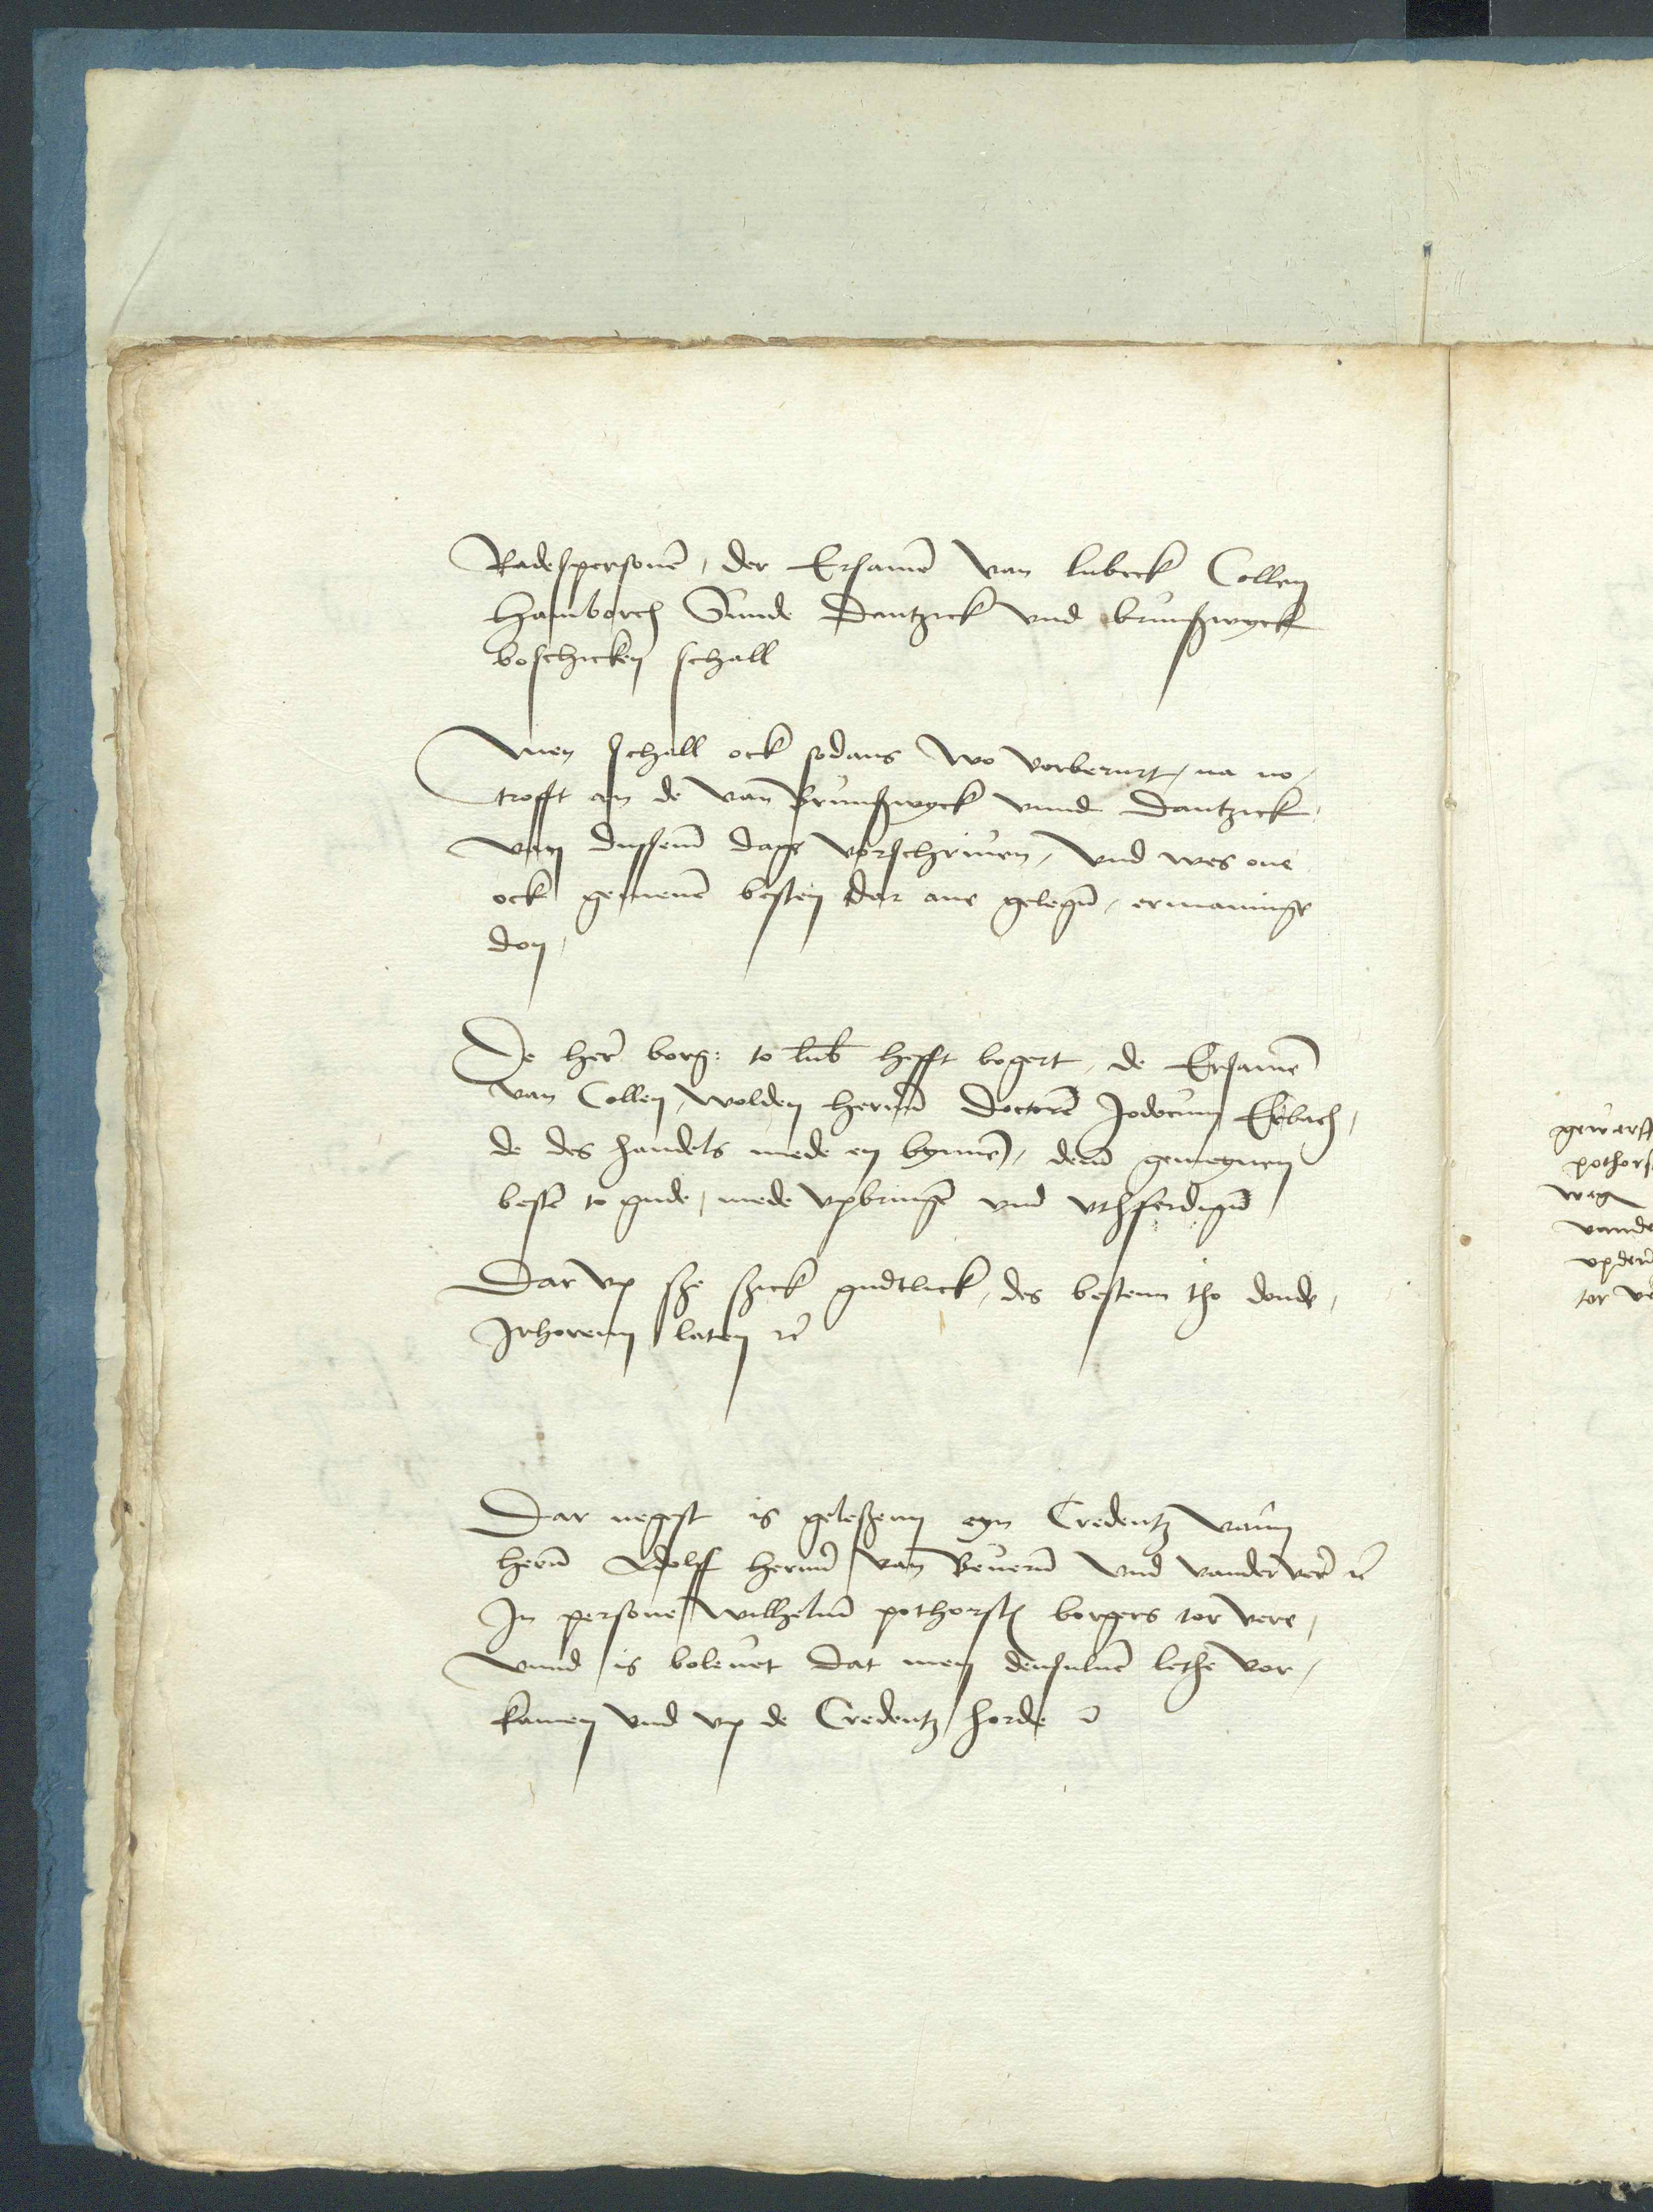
Radespersonen, der Ersamen van lubeck Collen
hamborch Sunde Dantzick vnd brunswyck
boschicken schall
Men schall ock sodans wo vorberurt, na no¬
trofft an de van Brunszwick vnnd Dantzick
van dussem dage vorschreuen, vnd wes one
ock gemenen besten dar ane gelegen, ermaninge
don.
De her borgermester to lubeck hefft bogert, de Ersamen
van Collen wolden hernn doctoren Jodocum Erbach,
de des handels mede en bynnen, dem gemeynen
besten to gude, mede vpbringen vnd uthferdigen
Darvp sze szick gudtlick, des bestenn tho dende,
Jrhorenn laten etc
Dar negest is geleszenn eyn Credentz vann
heren Adolff, heren van Beueren vnd vander vere etcetera
Jn persone Wilhelm pothoresten borgers tor vere,
vnnd is boleuent dat men densuluen lethe vor¬
kamen vnd vp de Credentz horde etcetera
